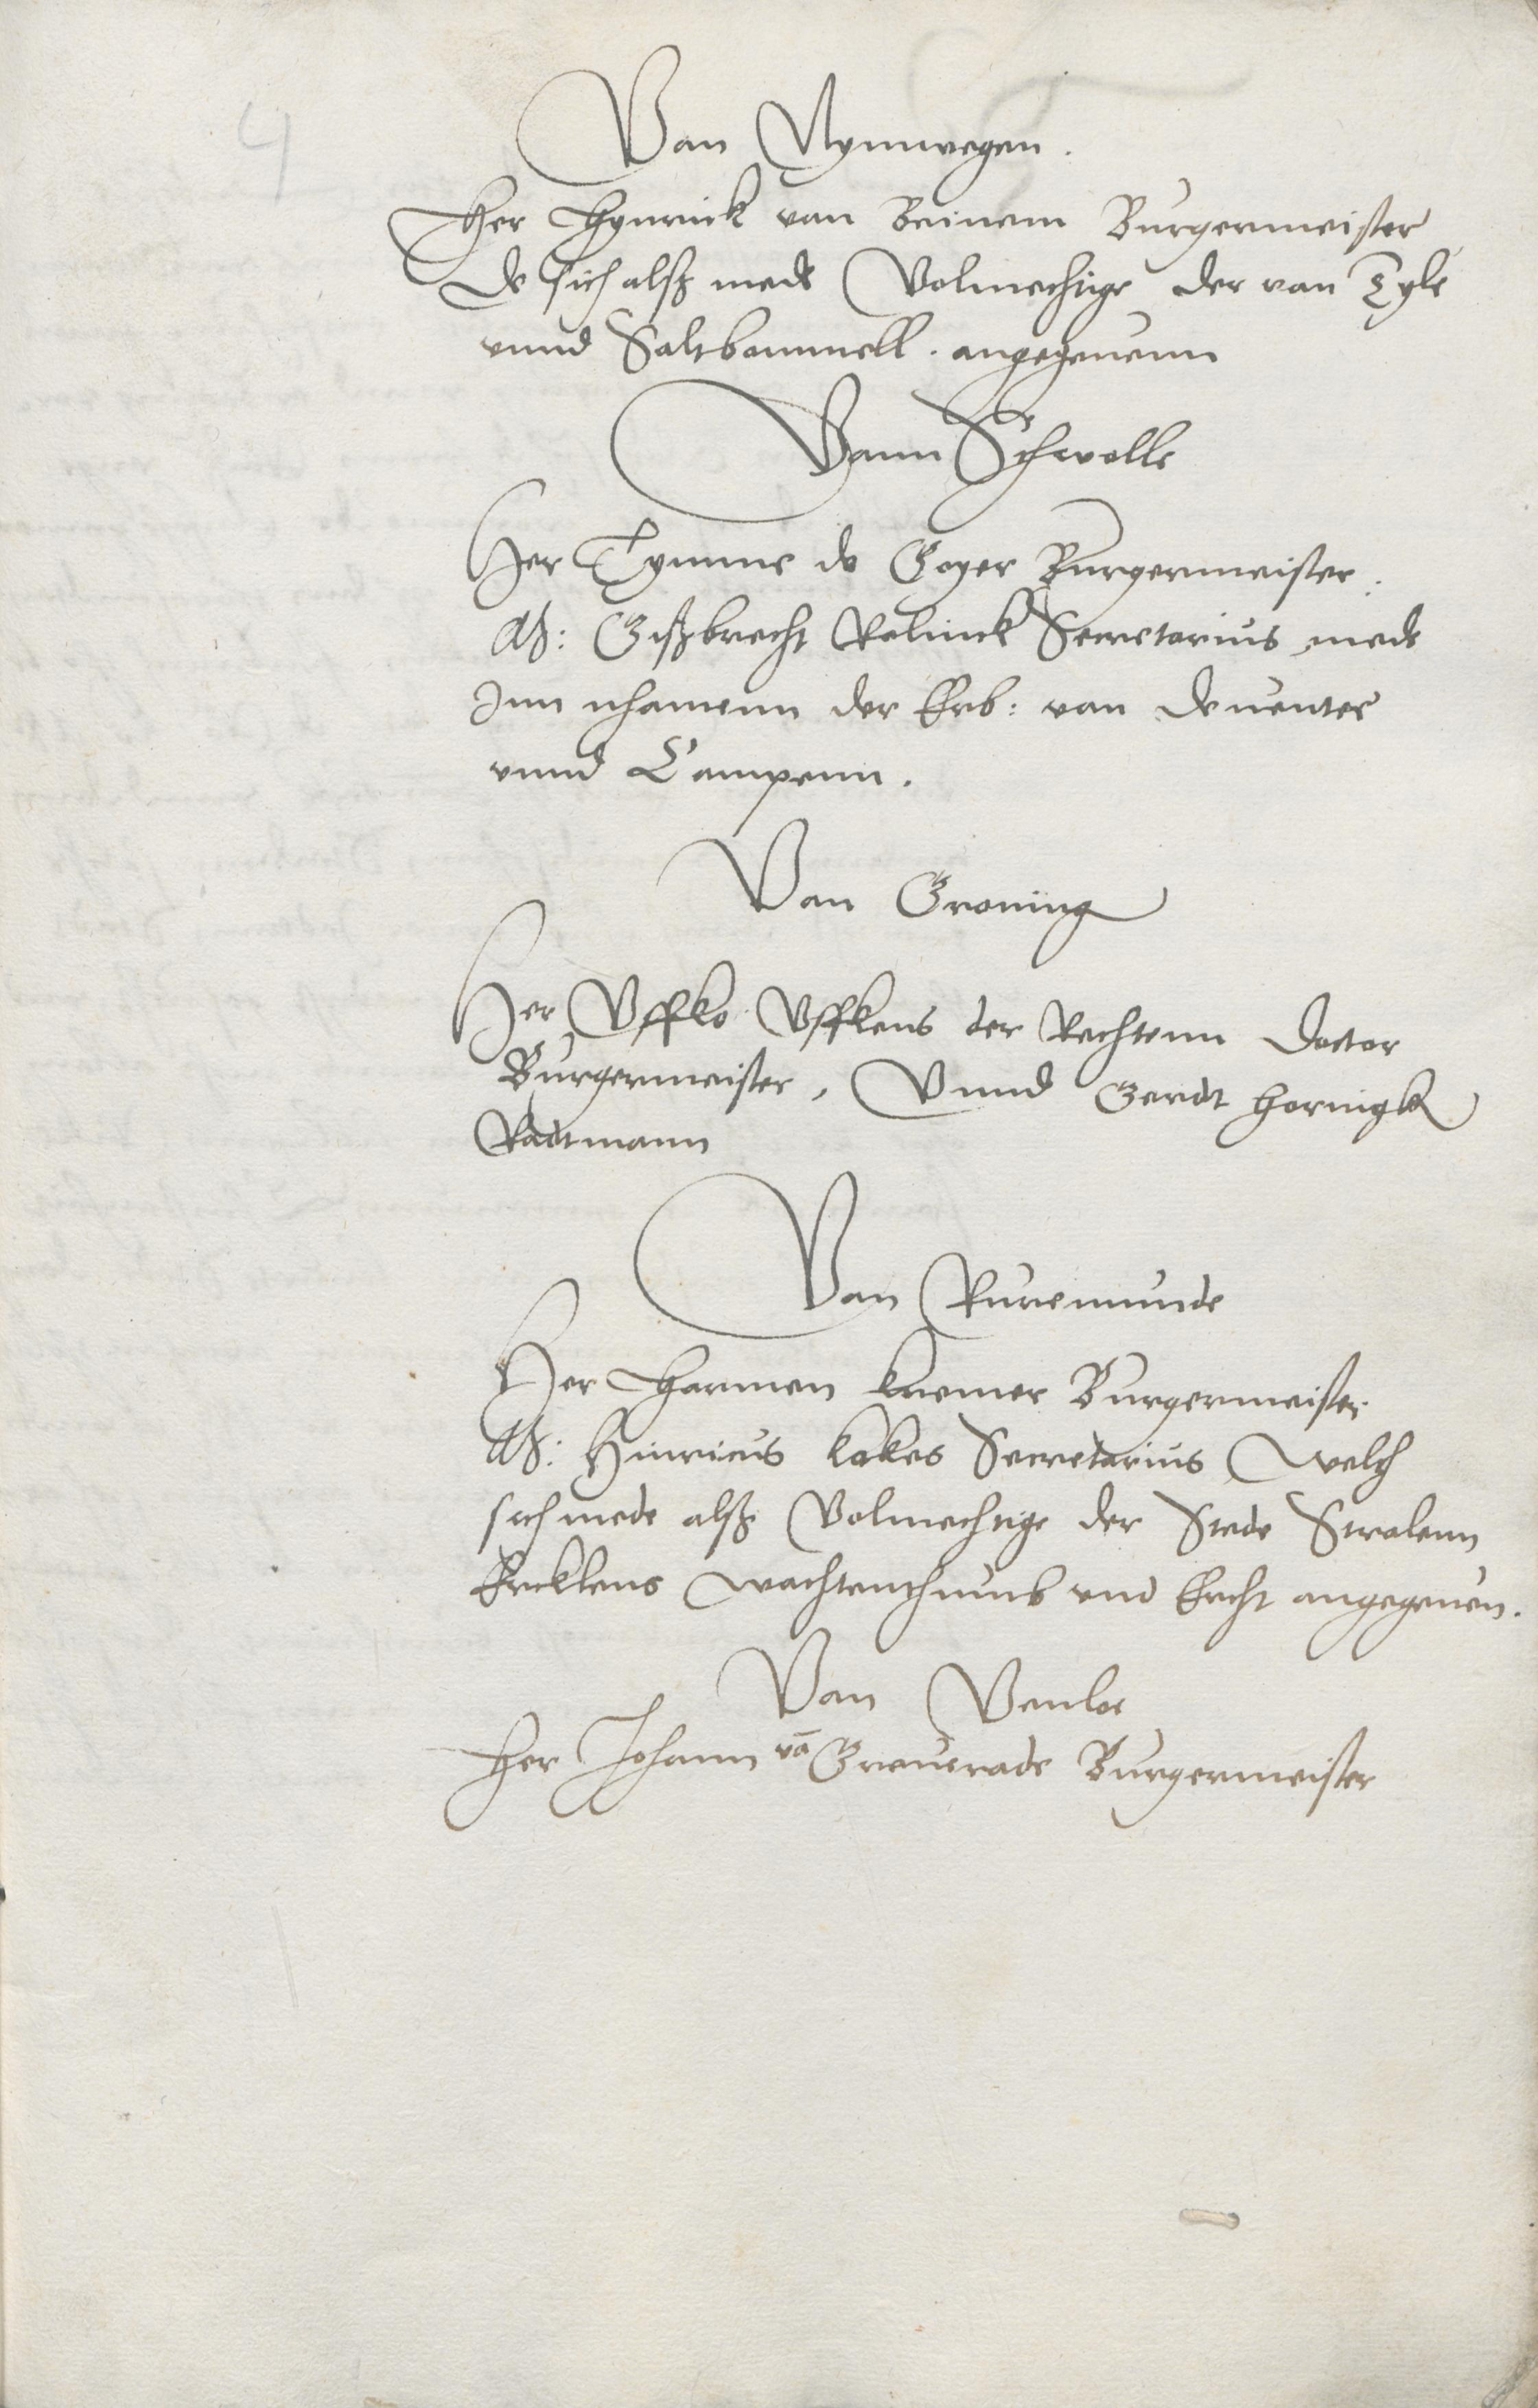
Van Nymwegen.
Her Hynrick van Beinem Burgermeister
De sich alß mede Volmechtige der van Tyle
vnnd Saltbommell angegeuenn
Vann Schwolle
Her Tymme de Goyer Burgermeister
M: Gißbrecht Rolinck Secretarius mede
jnn nhamenn der Erb: van deuenter
vnnd Campenn.
Van Groningen
Her Vssko Vsskens der Rechtenn Doctor
Burgermeister, Vnnd Gerdt Hornigken
Radtmann
Van Ruremunde
Her Harmen Kremer Burgermeister
M: Hinricus Kokes Secretarius Welch
sich mede alß Volmechtige der Stede Stralenn
Ercklens Wachtenthumb vnd Eecht angegeuen.
Van Venloe
Her Johann van Greuerade Burgermeister
